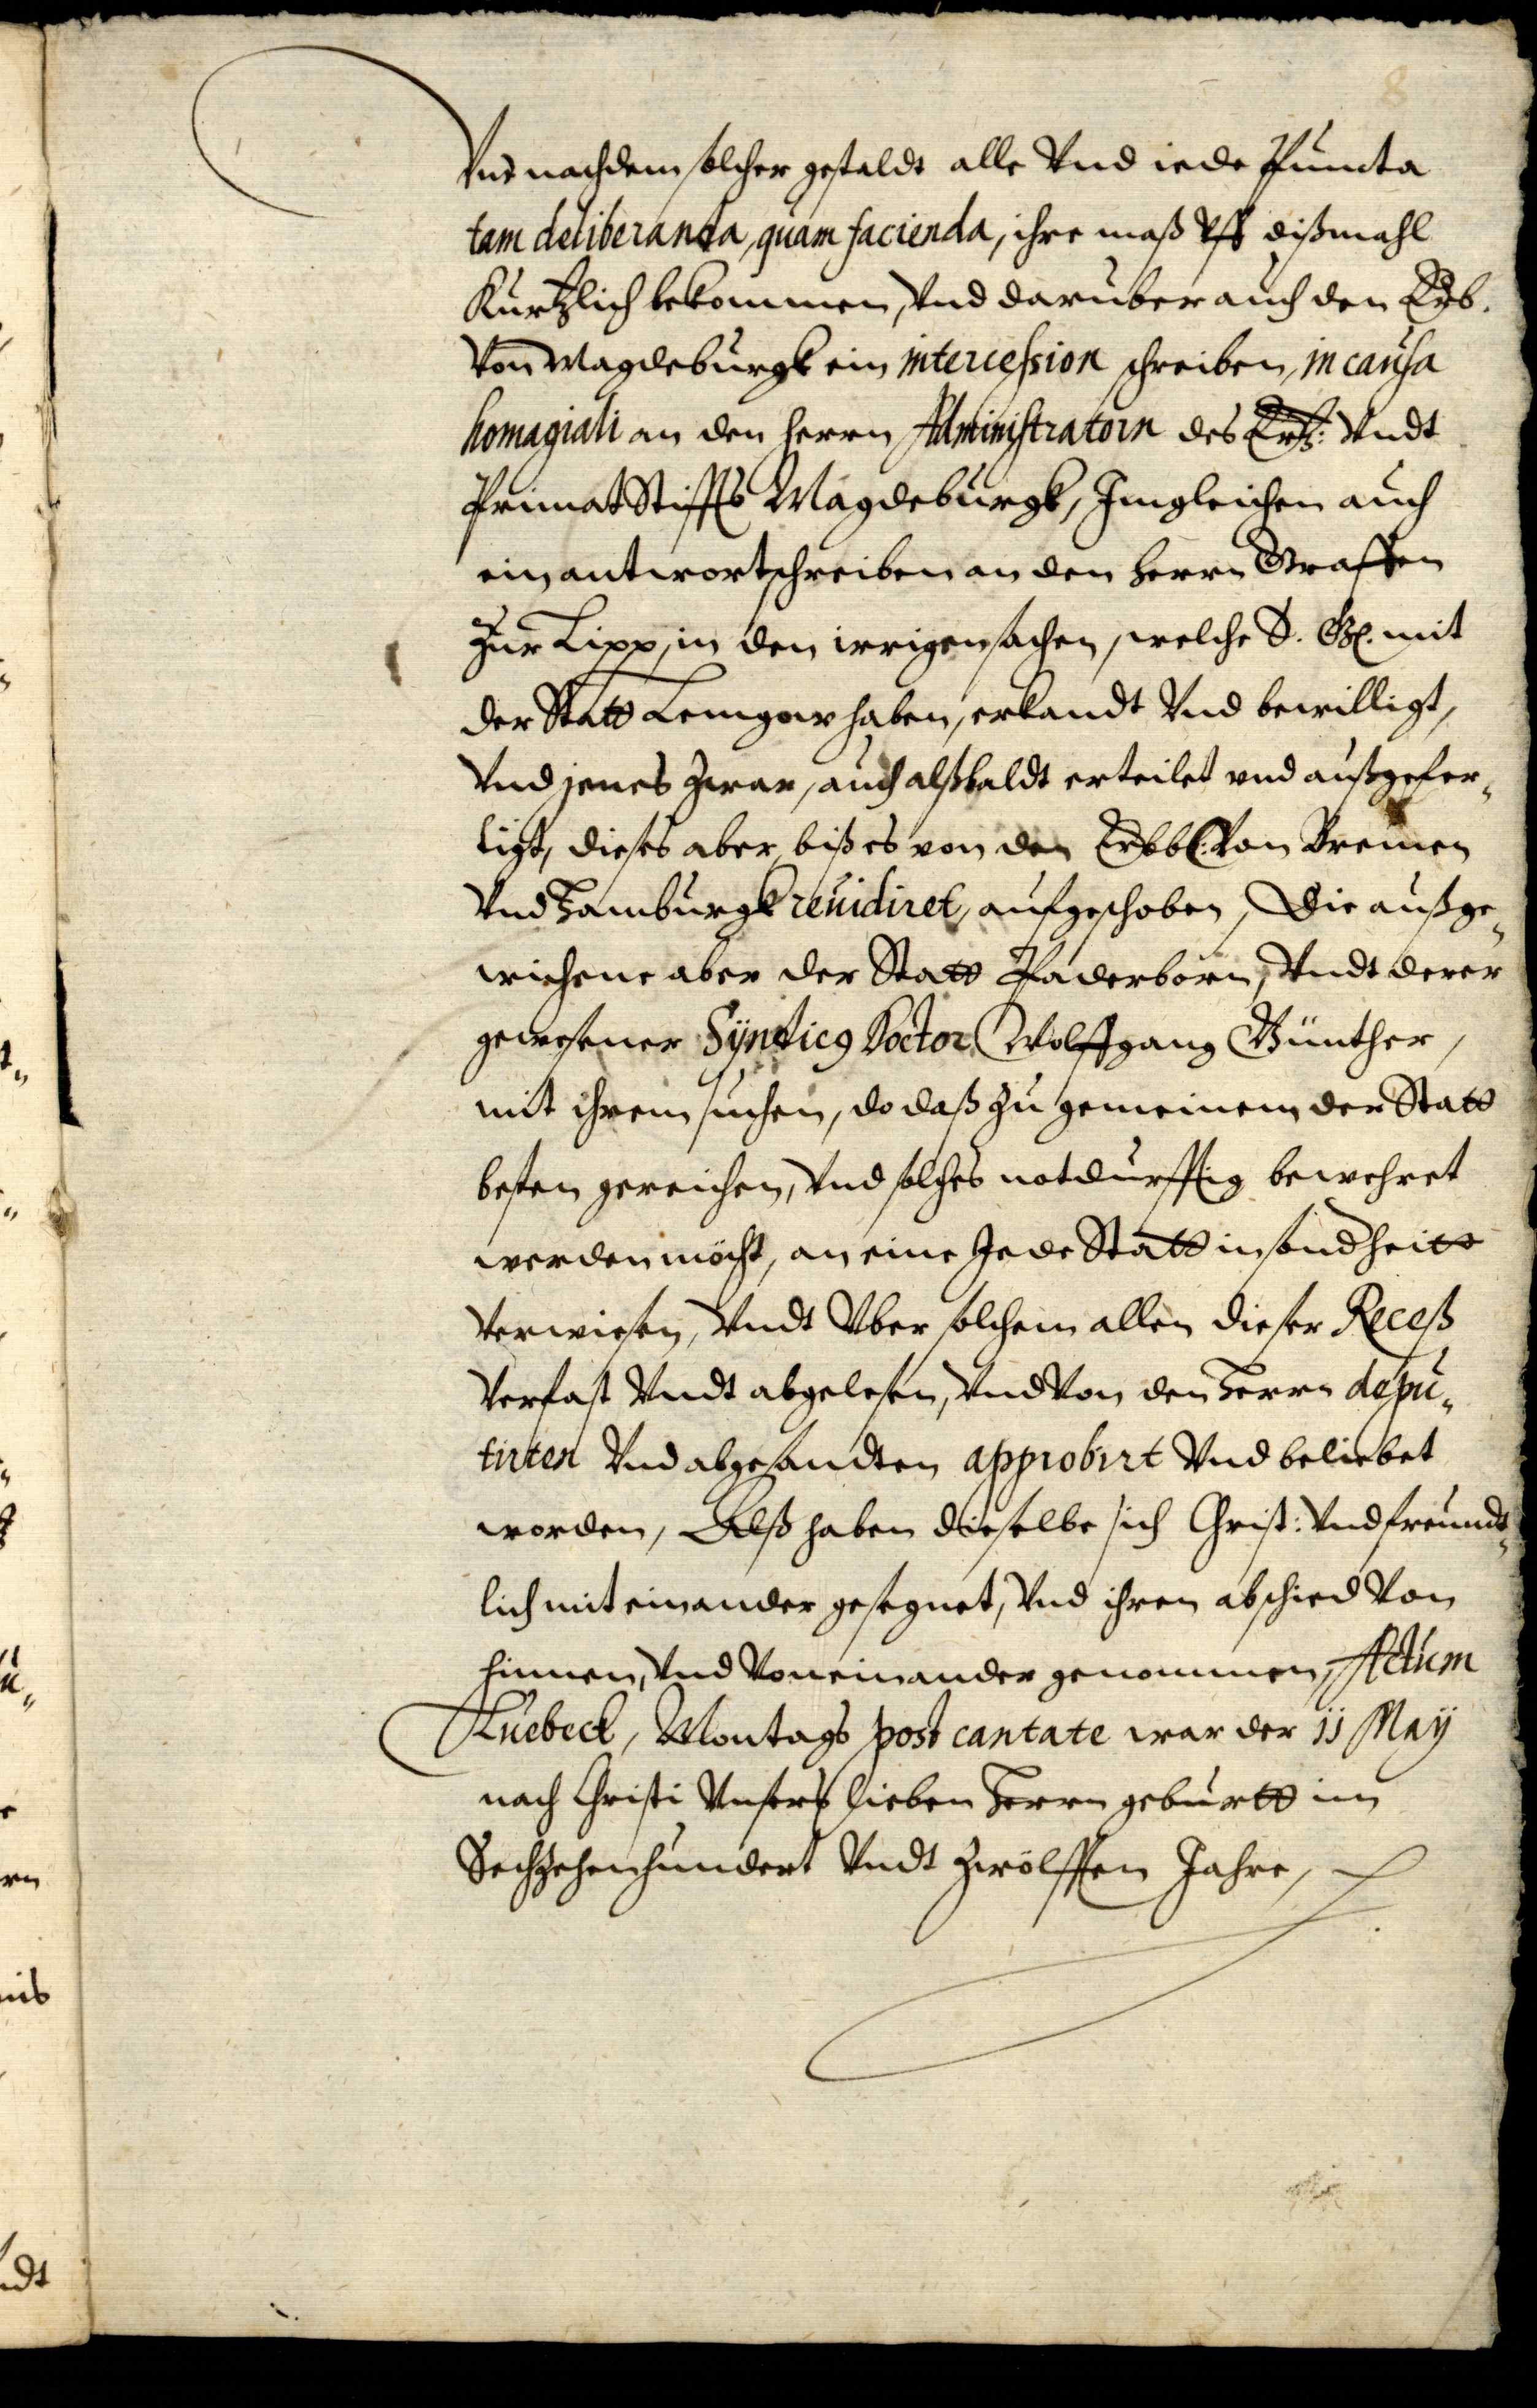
8
Vnd nachdem solcher gestaldt alle Vnd iede Puncta
tam deliberanda, quam facienda, ihre maß Vff dißmahl
kurtzlich bekommen, Vnd daruber auch den Erb.
Von Magdeburgk ein intercession schreiben, in causa
homagiali an den herrn Administratorn des Erb: Vndt
Primat Stiffts Magdeburgk, Imgleichen auch
ein antwortschreiben an den herrn Graffen
zur Lipp, in den irrigen sachen, welche S. Gl. mit
der Statt Lemgow haben, erkandt vnd bewilligt,
Vnd jenes Zwar, auch alßbaldt erteilet vnd außgefer¬
tigt, dieses aber biß es von den Erbb: von Bremen
Vnd Hamburgk reuidiret, aufgeschoben, die außge¬
wichene aber der Statt Paderborn, Vndt derer
gewesener Sijndicus Doctor Wolffgang Günther,
mit ihrem suchen, do daß zu gemeinem der Statt
besten gereichen, Vnd solches notdurfftig bewehret
werden möcht, an eine Jede Statt in sonderheitt
Verwiesen, Vndt Vber solchem allen dieser Receß
Verfast Vndt abgelesen, Vnd von den herrn depu¬
tirten Vnd abgesandten approbirt Vnd beliebet
worden, Alß haben dieselbe sich Christ: Vnd freundt¬
lich miteinander gesegnet, Vnd ihren abschied Von
hinnen, vnd voneinander genommen, Actum
Luebeck, Montags post cantate war der 11 Maij
nach Christi Vnsers lieben herrn geburtt im
Sechzehenhundert vndt zwölfften Jahre,
